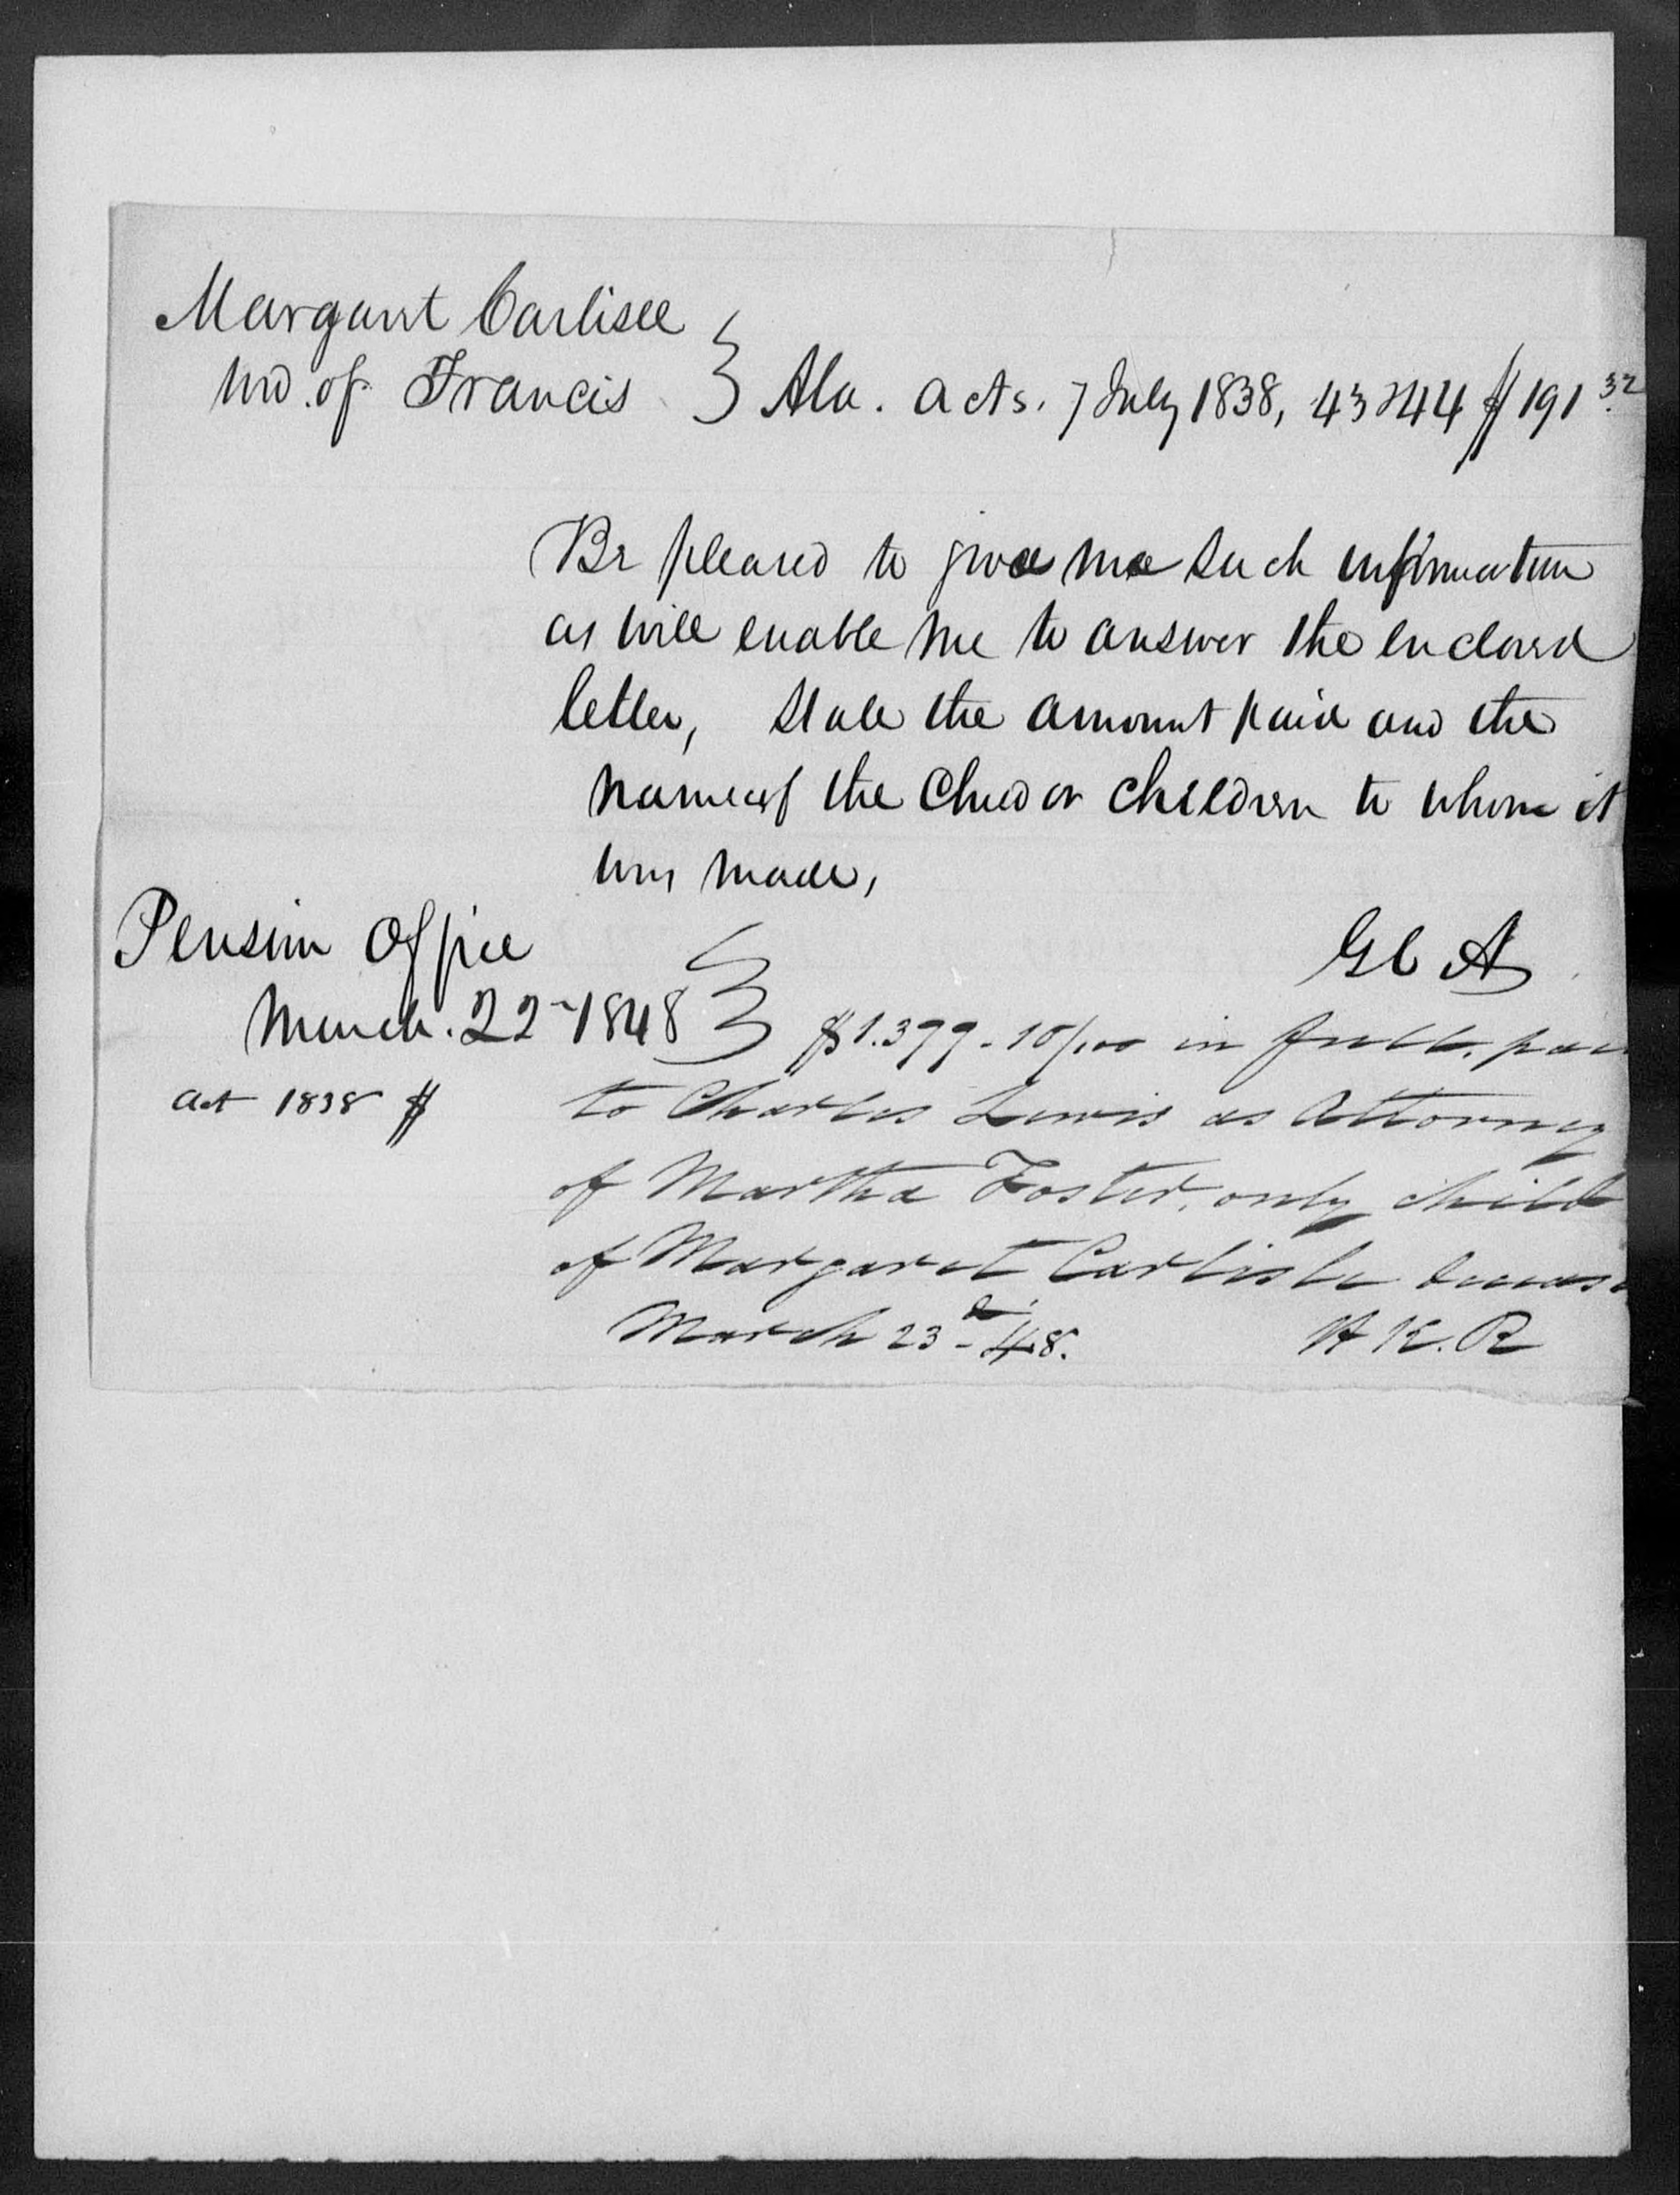Margaret Carlisle wid of Francis
Ala Act. 7 July 1838, 43 & 44 $191.32
Be pleased to give me such information as will enable me to answer the enclosed letter, 
state the amount paid and the name of the child or children to whom it was made
G C A

Pension Office
March 22 1848
Act 1838 $

$1379-10/100 in full payment to Charles Lewis as attorney of Martha Foster only child
of Margaret Carlisle
March 23d 48 H.K. R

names: Charles Lewis, Margaret Carlisle, Martha Foster, Francis Carlisle, Margaret Carlisle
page: 24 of 91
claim: widow's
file: W. 10576, Francis Carlisle, S.C.